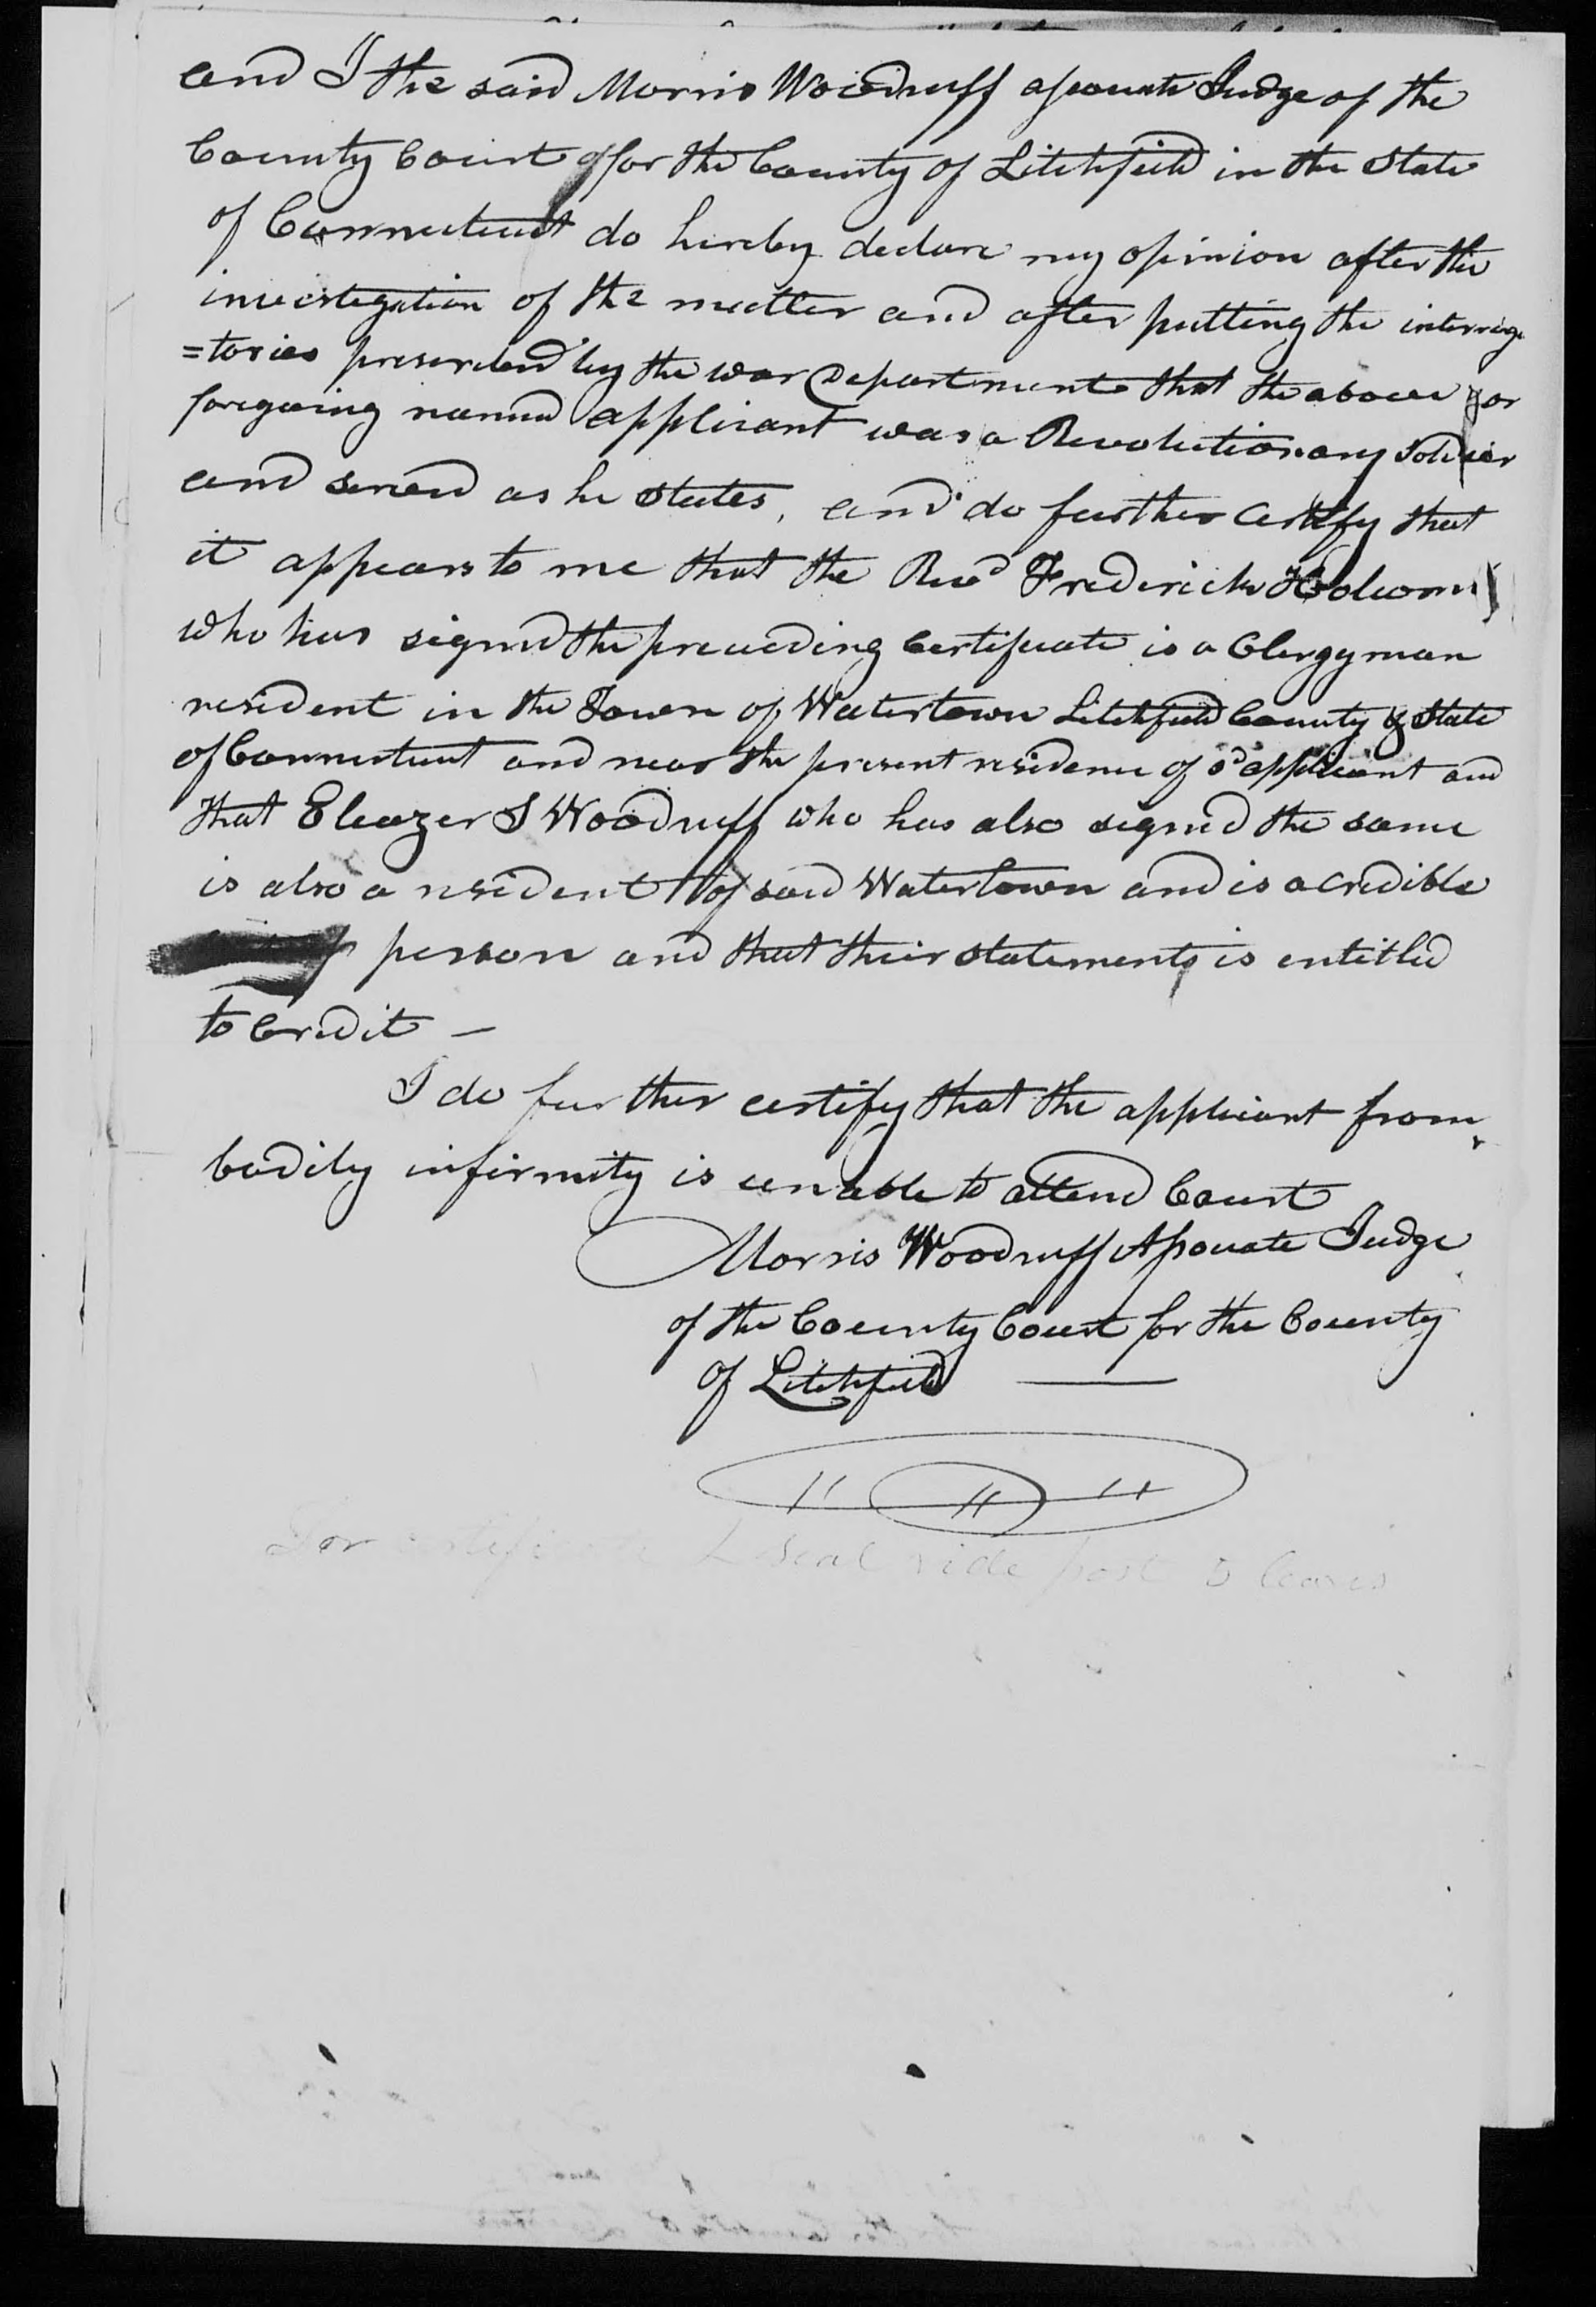and I the said Morris Woodruff associate Judge of the County Court for the County of Litchfield in the State of Connecticut do hereby declare my opinion after the investigation of the matter and after putting the interrogatories prescribed by the War Department that the above & foregoing named applicant was a Revolutionary Soldier and served as he states, and do further certify that it appears to me that the Rev Frederick Holcomb who has signed the preceding certificate is a Clergyman resident in the Town of Watertown Litchfield County & State of Connecticut and near the present residence of s'd applicant and that Ebenzer S Woodruff who has also signed the same is also a resident of said Watertown and is a credible person and that their statements is entitled to credit -
I do further certify that the applicant from bodily infirmity is unable to attend Court
Morris Woodruff Associate Judge of the County Court for the County of Litchfield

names: Frederick Holcomb, Morris Woodruff, Morris Woodruff, Eleazer S Woodruff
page: 8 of 21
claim: survivor's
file: S. 14943, Wheeler Beecher, Conn.